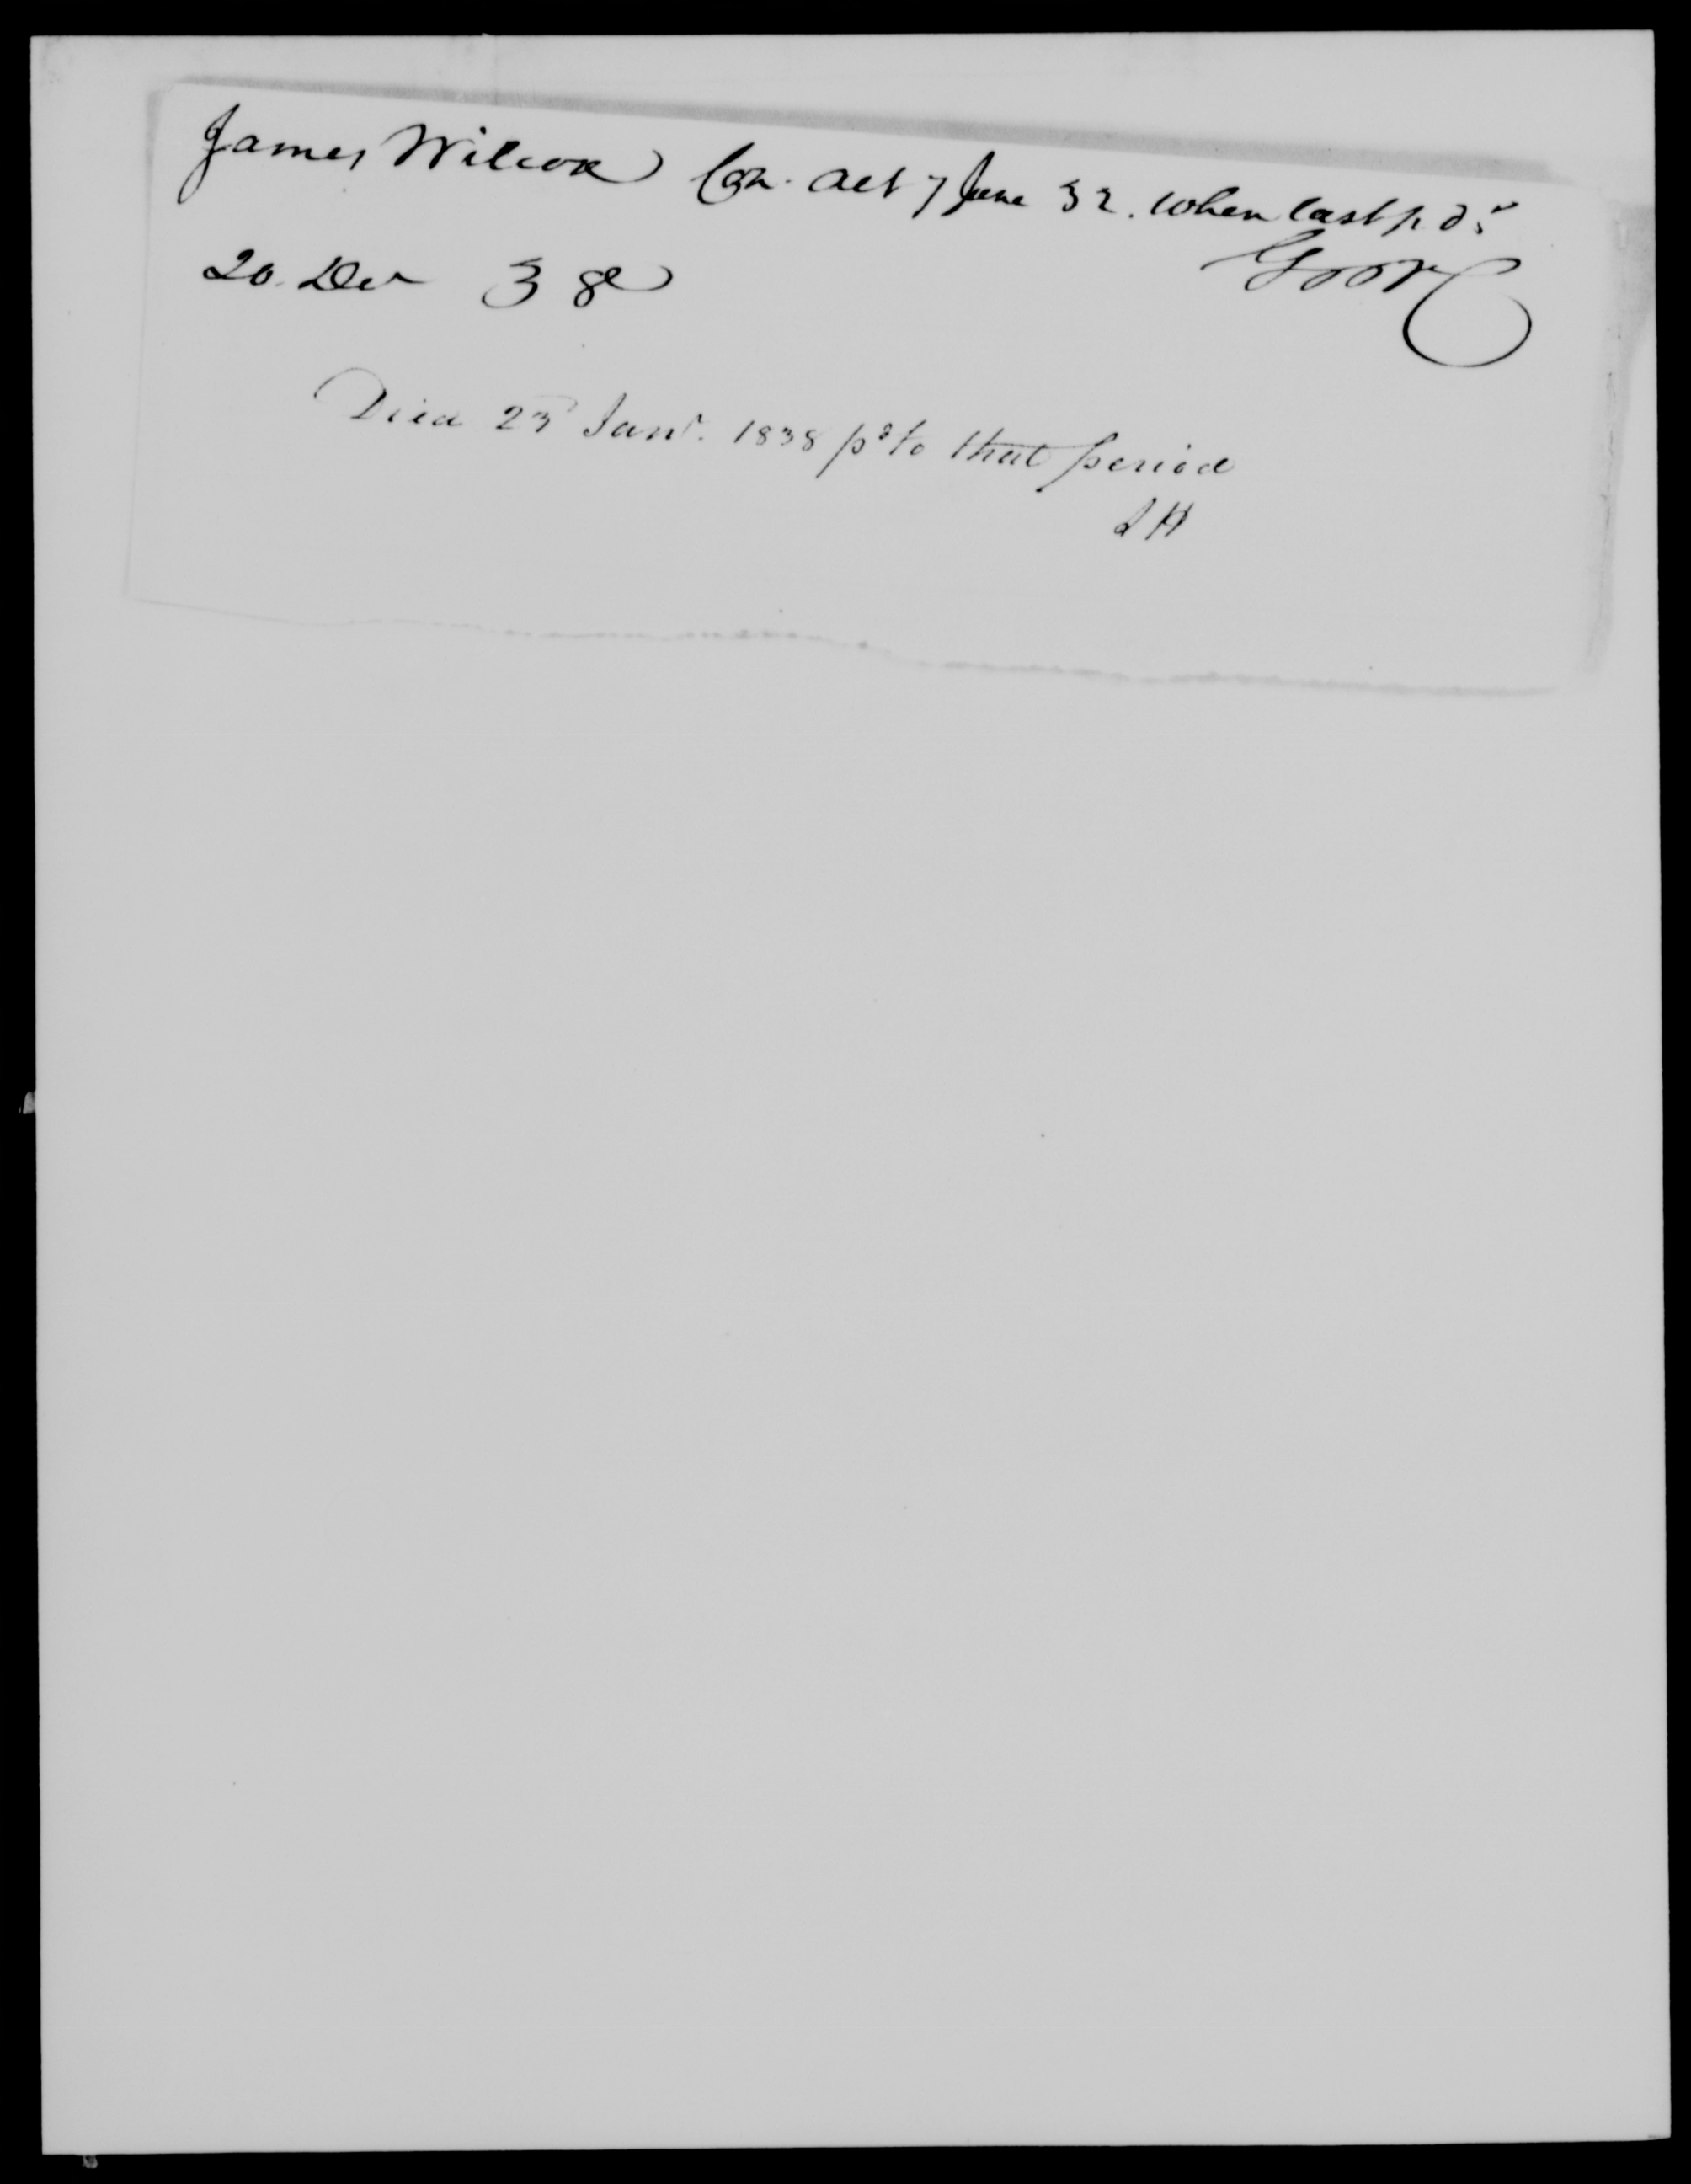James Wilcox Con. Act 7 June 32. When last 1.25 Goor C
20 Dec 28
Died 23 Jany. 1838 pa to that period
J H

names: James Wilcox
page: 36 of 46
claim: widow's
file: W. 18,417, James Willcox, Conn.